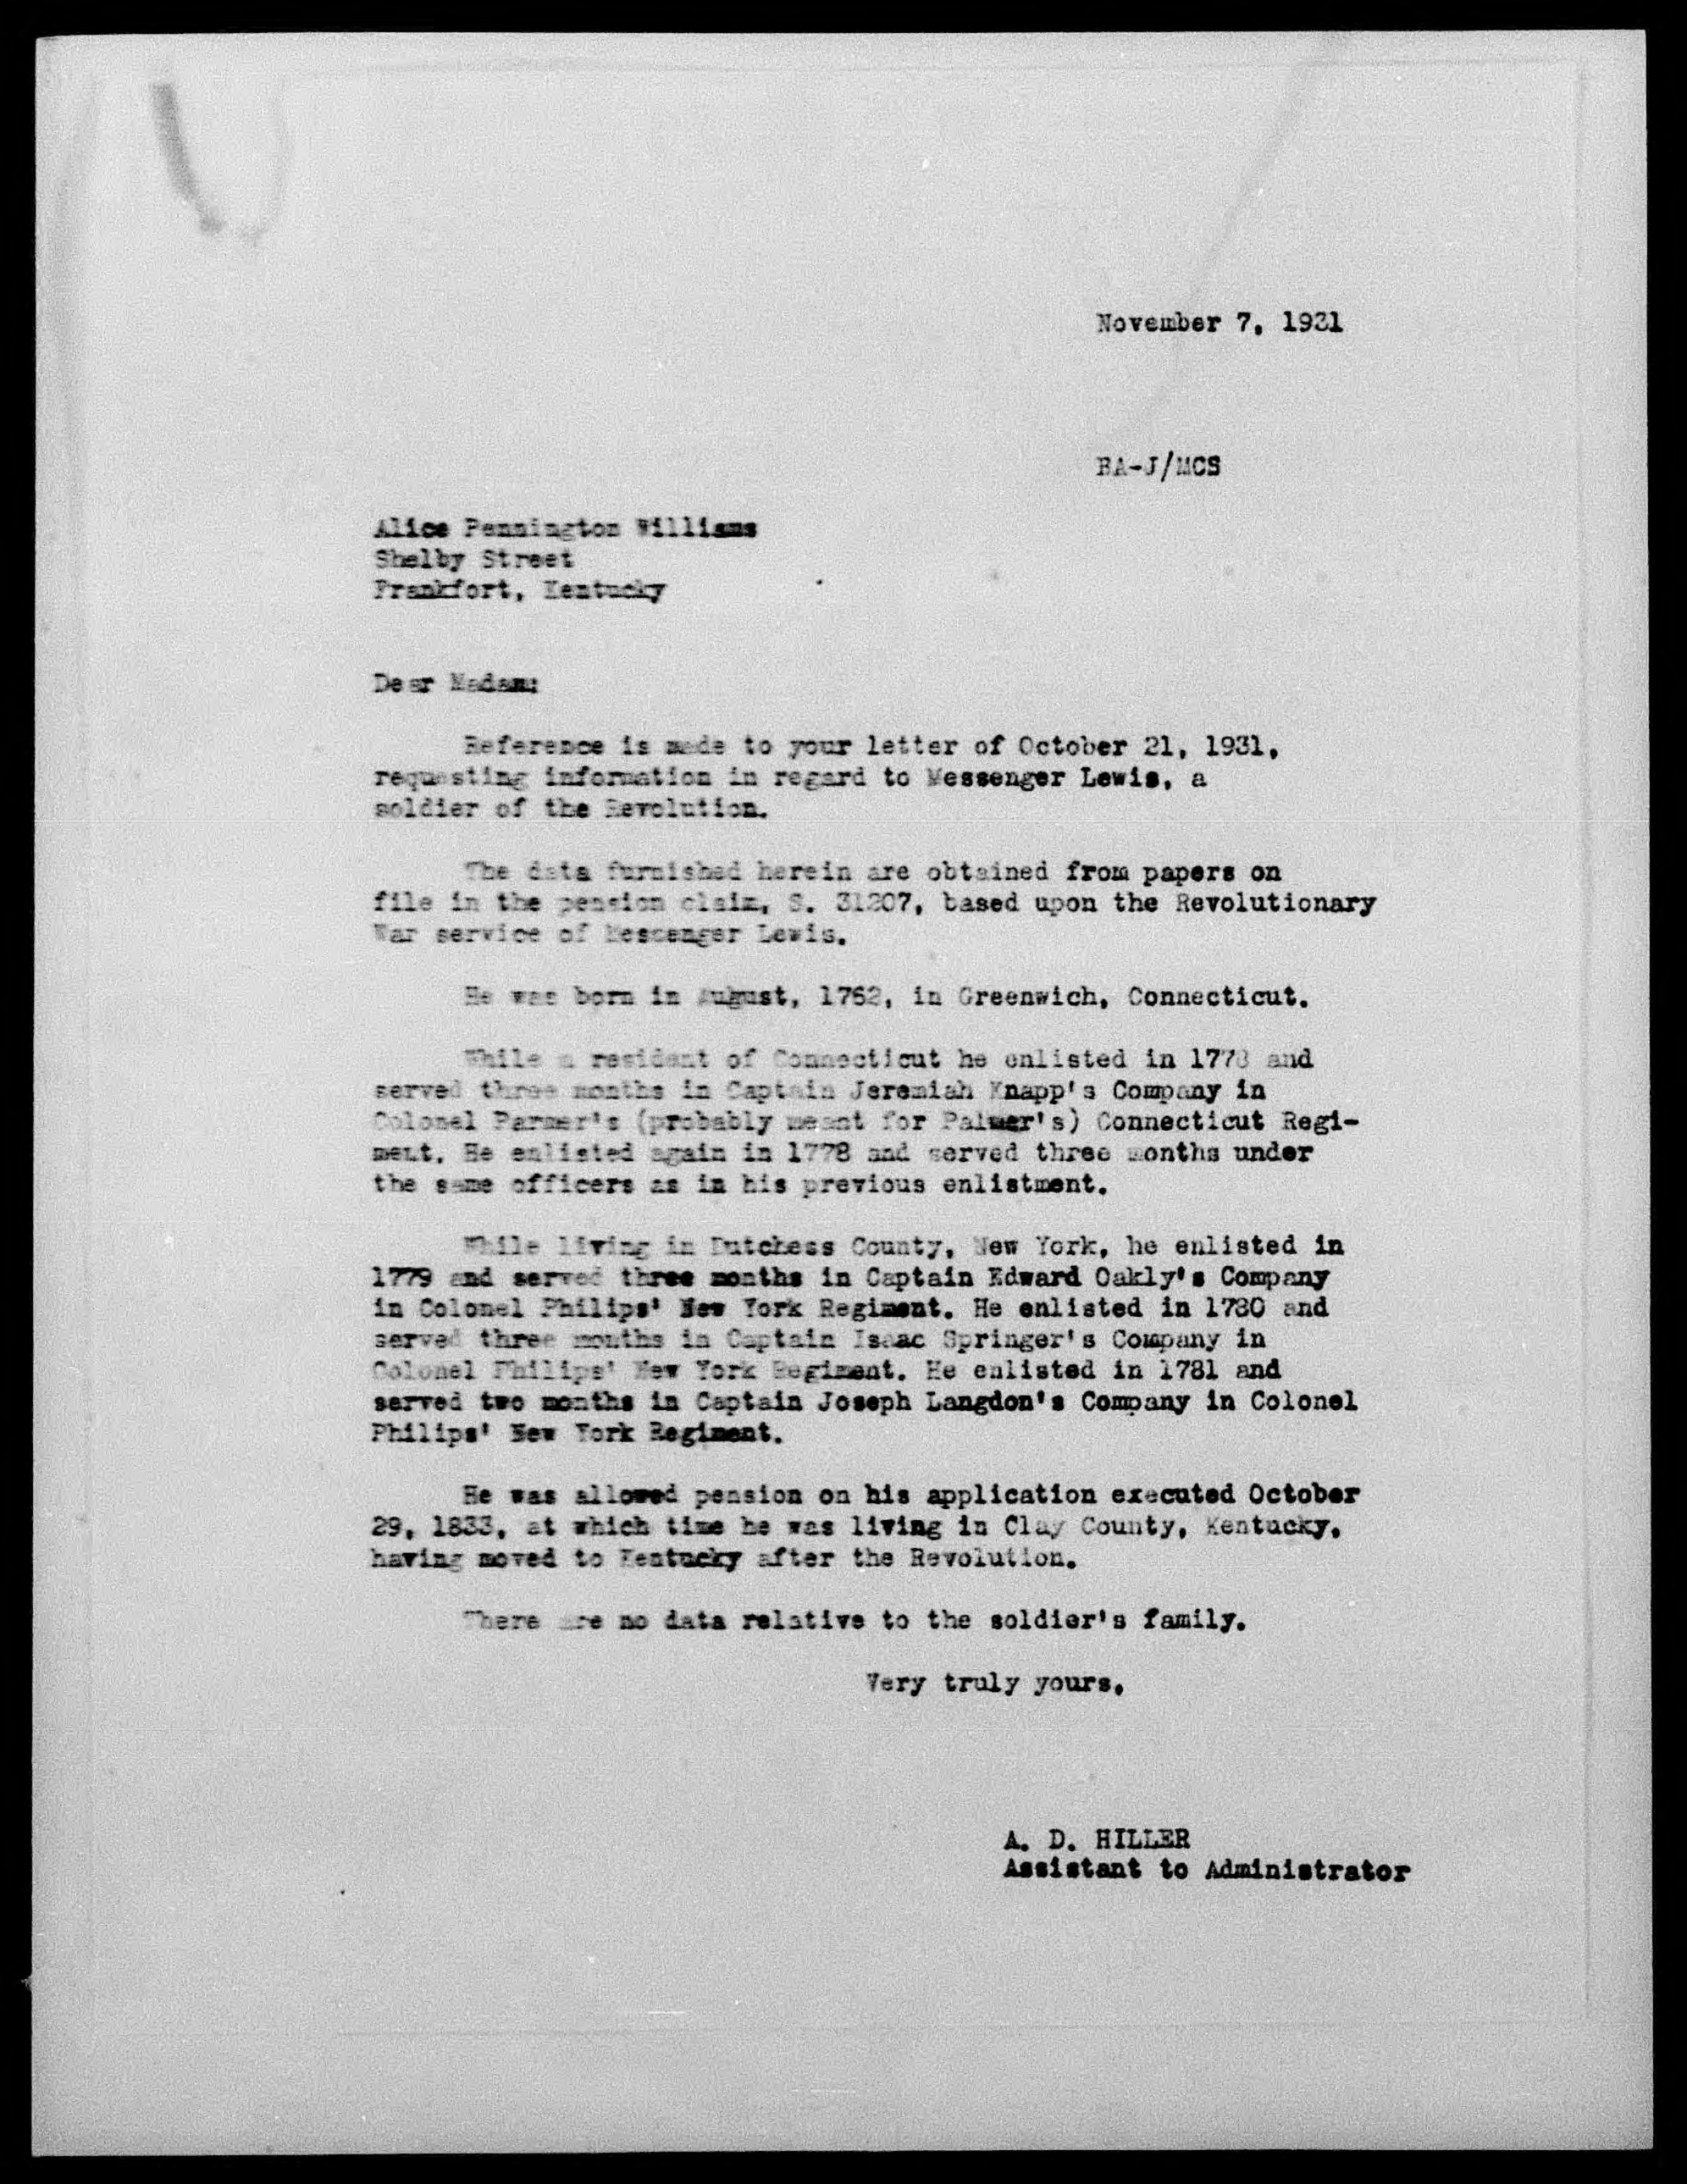November 7, 1931 
BA-J/MCS 
Alice Pennington Williams 
Shelby Street 
Frankfort, Kentucky 
Dear Madam: 
Reference is made to your letter of October 21, 1931, requesting information in regard to Messenger Lewis, a soldier of the Revolution. 
The data furnished herein are obtained from papers on file in the pension claim, S. 31207, based upon the Revolutionary War service of Messenger Lewis, 
He was born in August, 1762, in Greenwich, Connecticut. 
While a resident of Connecticut he enlisted in 1778 and served three months in Captain Jeremiah Knapp's Company in Colonel Parmer's (probably meant for Palmer's) Connecticut Regiment. He enlisted again in 1778 and served three months under the same officers as in his previous enlistment. 
While living in Dutchess County, New York, he enlisted in 1779 and served three months in Captain Edward Oakly's Company in Colonel Philips' New York Regiment. He enlisted in 1780 and served three months in Captain Isaac Springer's Company in Colonel Philip New York Regiment. He enlisted in 1781 and served two months in Captain Joseph Langdon's Company in Colonel Philips' New York Regiment. 
He was allowed pension on his application executed October 29, 1833, at which time he was living in Clay County, Kentucky, having moved to Kentucky after the Revolution. 
There are no data relative to the soldier's family, 
Very truly yours, A. D. HILLER 
Assistant to Administrator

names: A D Hiller; Messenger Lewis; Alice Pennington Williams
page: 8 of 12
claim: survivor's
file: S. 31207, for Messenger Lewis, Connecticut